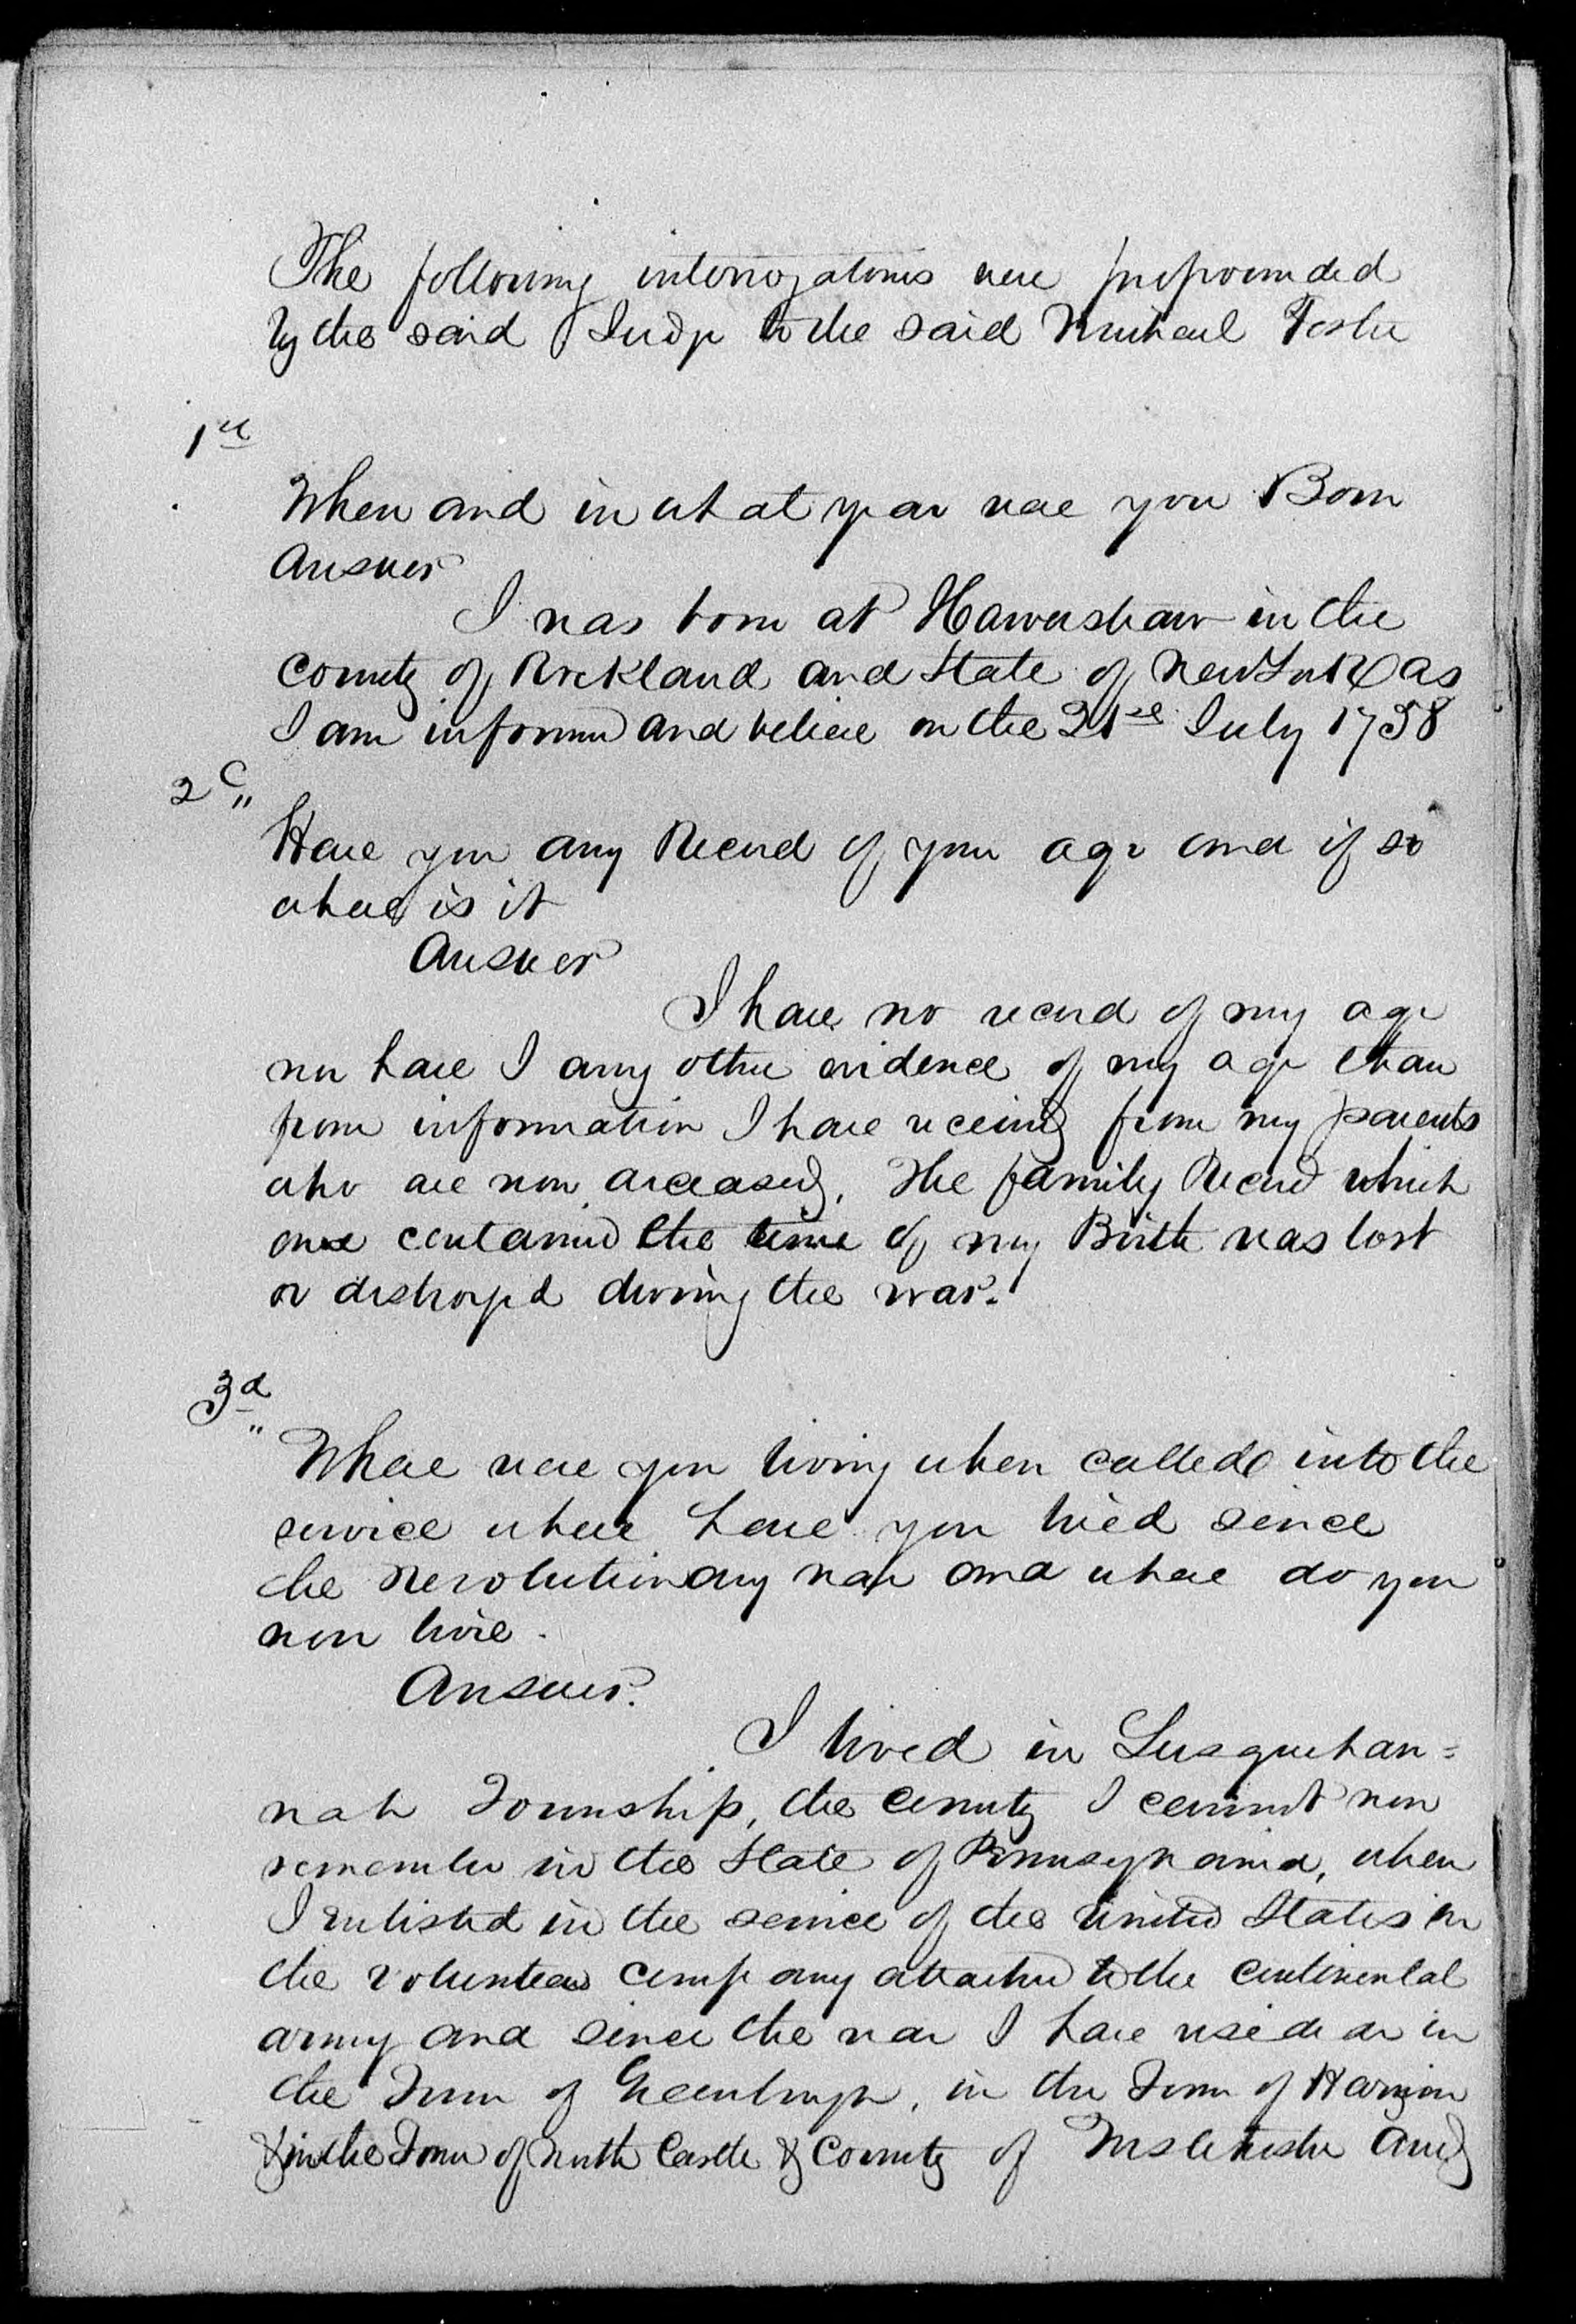The following interrogations were preformed by the said Judge to the said Michael Foster

1. When and in what year were you Born
Answer
I was born at Haversham in the county of Rockhand and the State of New York as I am informed and believe on the 21st July 1758
2nd Have you any Record of your age and if so what is it 
Answer
I have no record of my age nor have I any other evidence of my age than from information I have received from my parents who are now deceased. The family record which once contained the time of my birth was last or destroyed during the war!
3rd Where were you living when called into the service where have you lived since the Revolutionary war and there do you now live.
Answer
I lived in Susquehanna Township, the county I cannot now remember in the State of Pennsylvania, when I enlisted in the service of the United States in the volunteer company attached to the continental army and since the war I have resided in the Town of Greenbough, in the town of Harmon & in the town of North Castle & county of Westchester and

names: Michael Foster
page: 11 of 57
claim: widow's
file: W. 5275 1/2, Michael Foster, Penn.